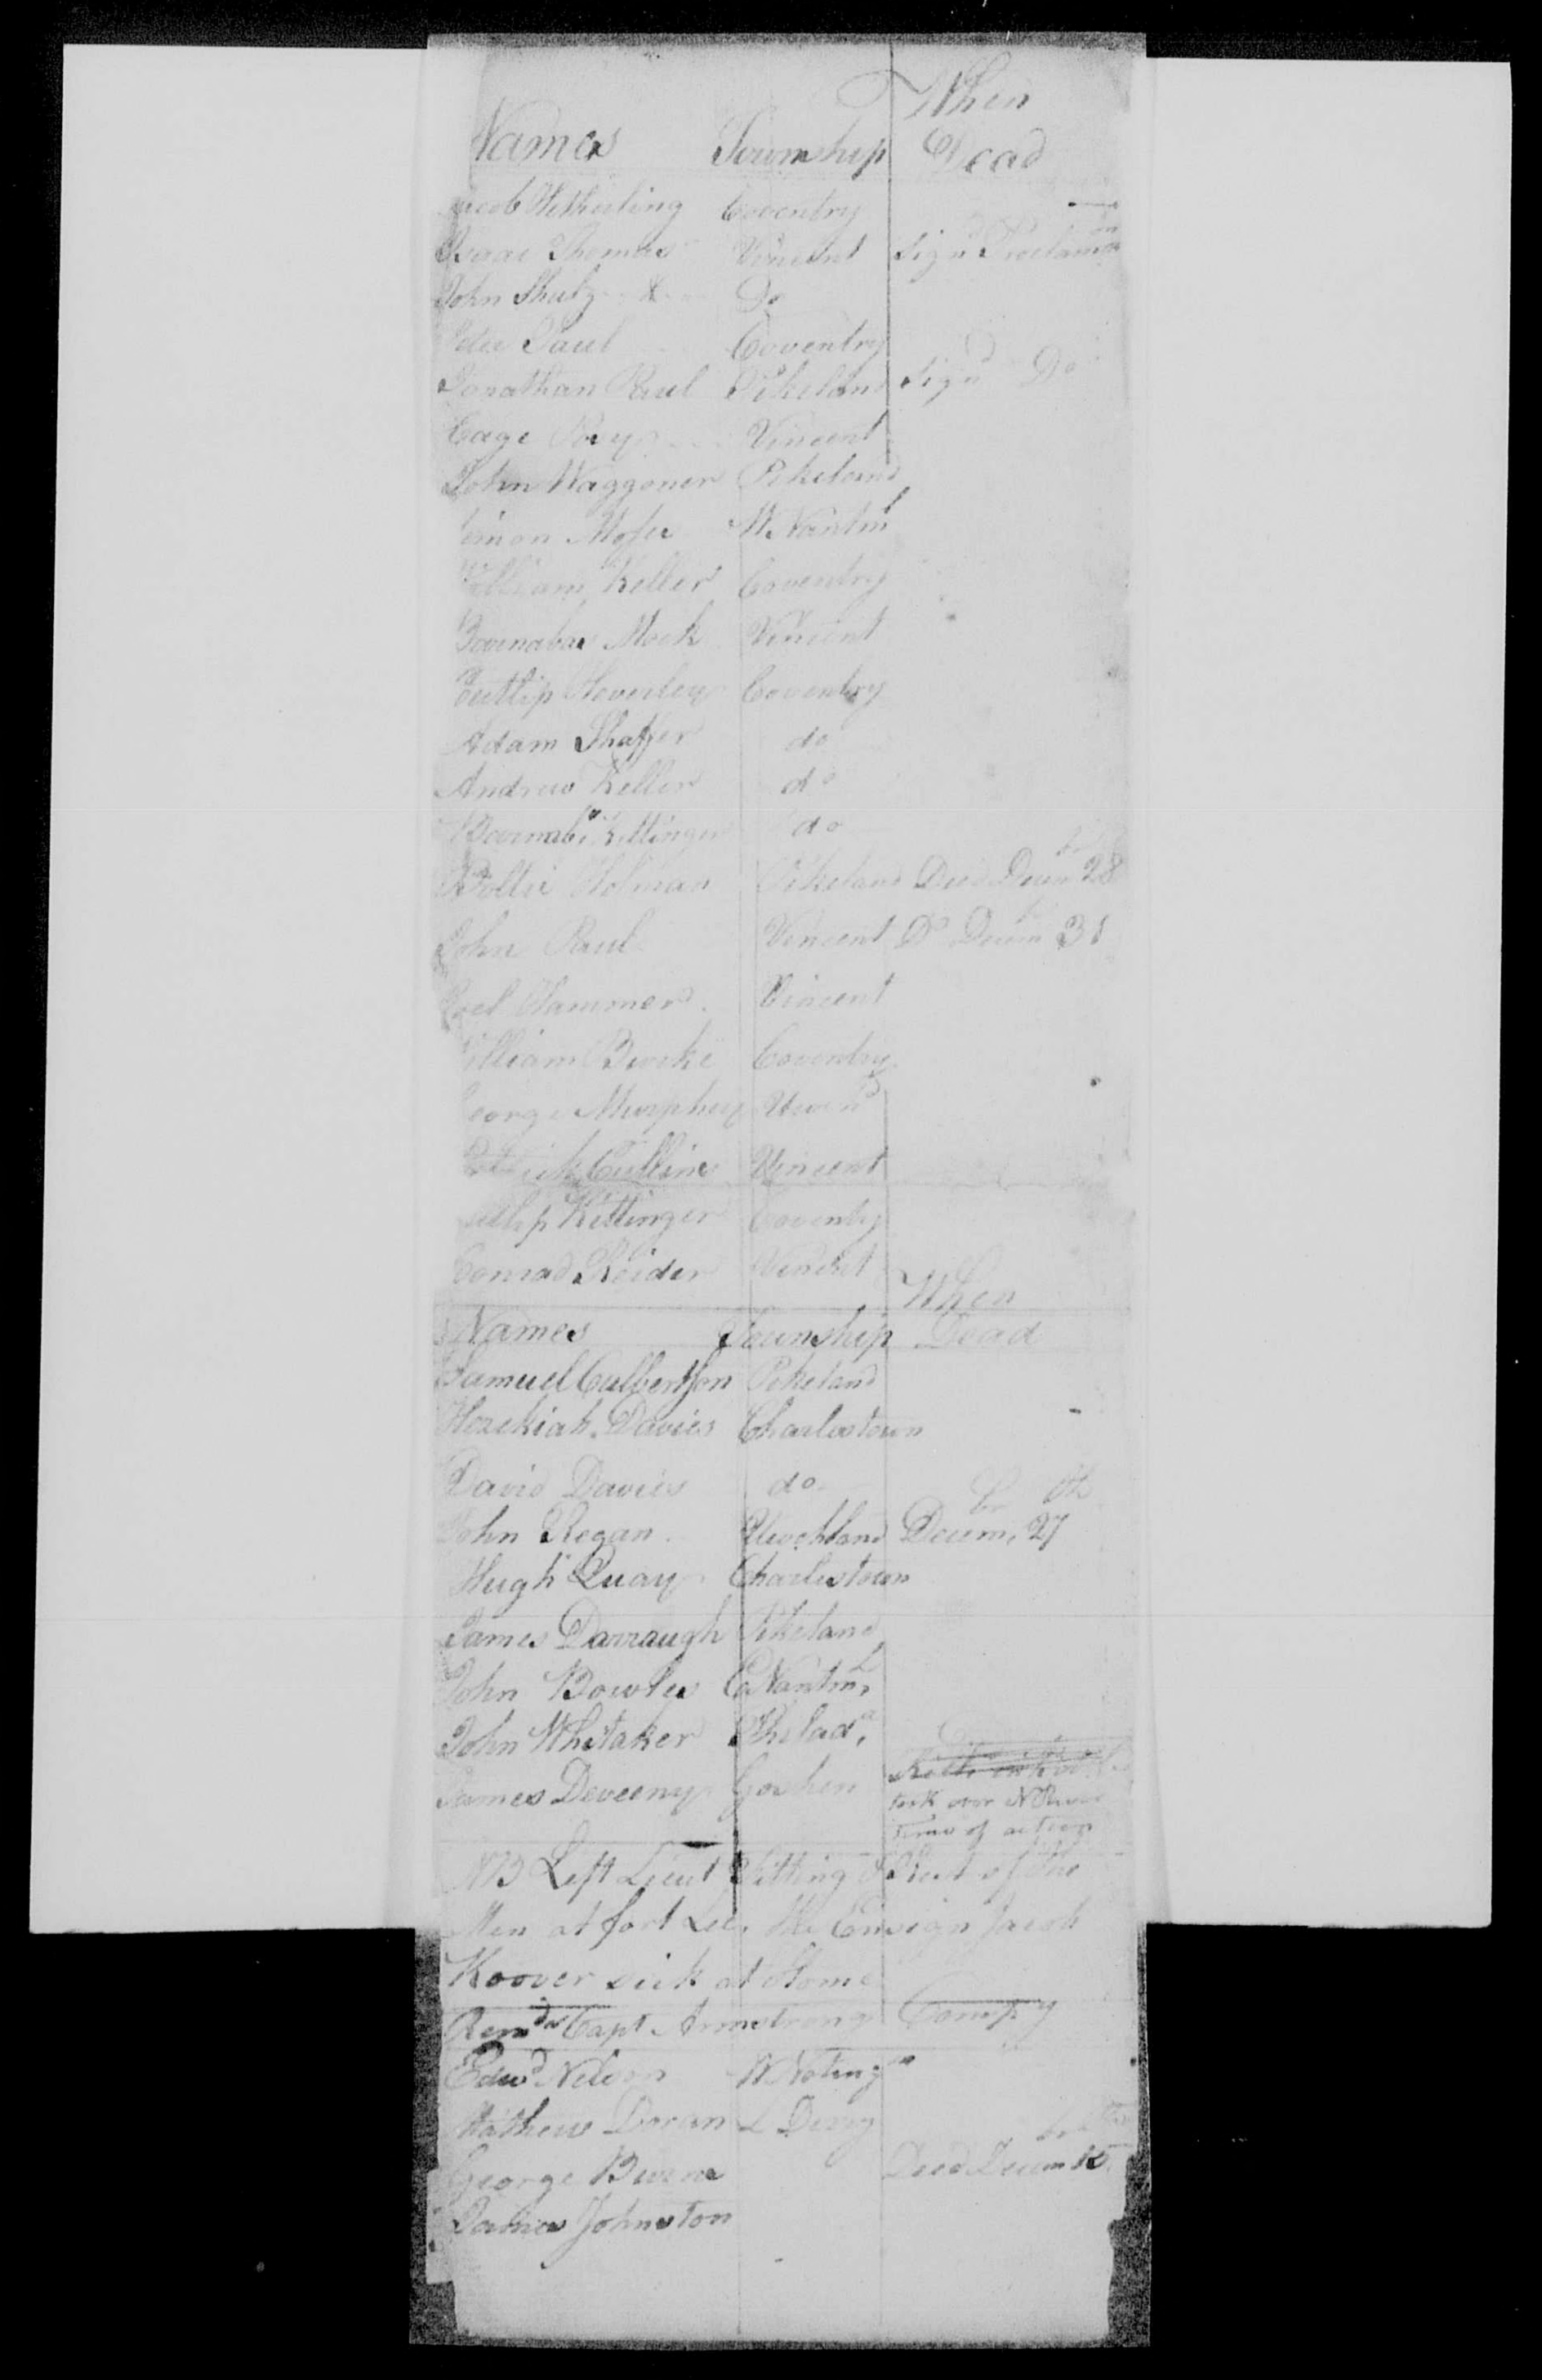[headings] Names. Township. When Dead.
Jacob Hetherling | Coventry
Isaac Thomas | Vincent | Signs Proclamation
John Shutz | Do 
Edie Paul | Coventry
Jonathan Paul | Pikeland | Signd Do
Cage Ray | Vincent
John Waggoner | Pikeland
Simon Hoser | W. Trenton
William Keller | Coventry
Barnabas Mock | Vincent
Cutlip Hoverley | Coventry
Adam Shaffer | do
Andrew Keller | do
Barnabi Kittinger | do
Boltin Holman | Pikeland | Died Decembr 28
John Paul | Vincent | Do Decembr 31
Joel Hammer | vincent
William Burke | Coventry
George Murphey | Haven
Patrick Culline | Vincent
Philip Kittinger | Coventry
Conrad Reider | Vincent

[another set of headings] Names. Township. When Dead.
Samuel Culbertson | Pikeland
Hezekiah Davies | Charlestown
David Davies | do
John Regan | Henchland | Decembr 27th
Hugh Quay | Charlestown
James Darraugh | Pikeland
John Bowles | E Nantonl.
John Whitaker | Philada.
James Deverny | Gorhen | took over N Riber time of action
Left Lieut sitting & Saient of the
Men at fort Lee. The Ensign Jacob Koover sick at Home. 
Remdr Capt Armstrong Company
Edwd. Nelson | W Noting. 
Mathew Doran | L Derry
George Bevins | Died Decembr 15
James Johnston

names: David Davies, Jacob Fetherling, Samuel Culbertson, Barnabus Monk, George Murphey, Simon Mosie, William Burke, John Rogan, Barnabe Williams, Phillip Townley, Andrew Keller, John Bowles, Cage Ray, Bellie Folson, John Shutz, James Darraugh, Edwd Newson, James Deveeny, Hugh Quay, James Johnston, William Keller, Phillip Kettinger, Joel Hammer, Adam Shaffer, Culline, John Whitaker, Isaac Thomas, George Burns, Mathew Bacon, Jonathan Paul, John Paul, John Waggoner, Peter Paul, Hezekiah Davies, Gerrard Neider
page: 54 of 57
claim: survivor's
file: S. 2161, Hezekiah Davies, Penn